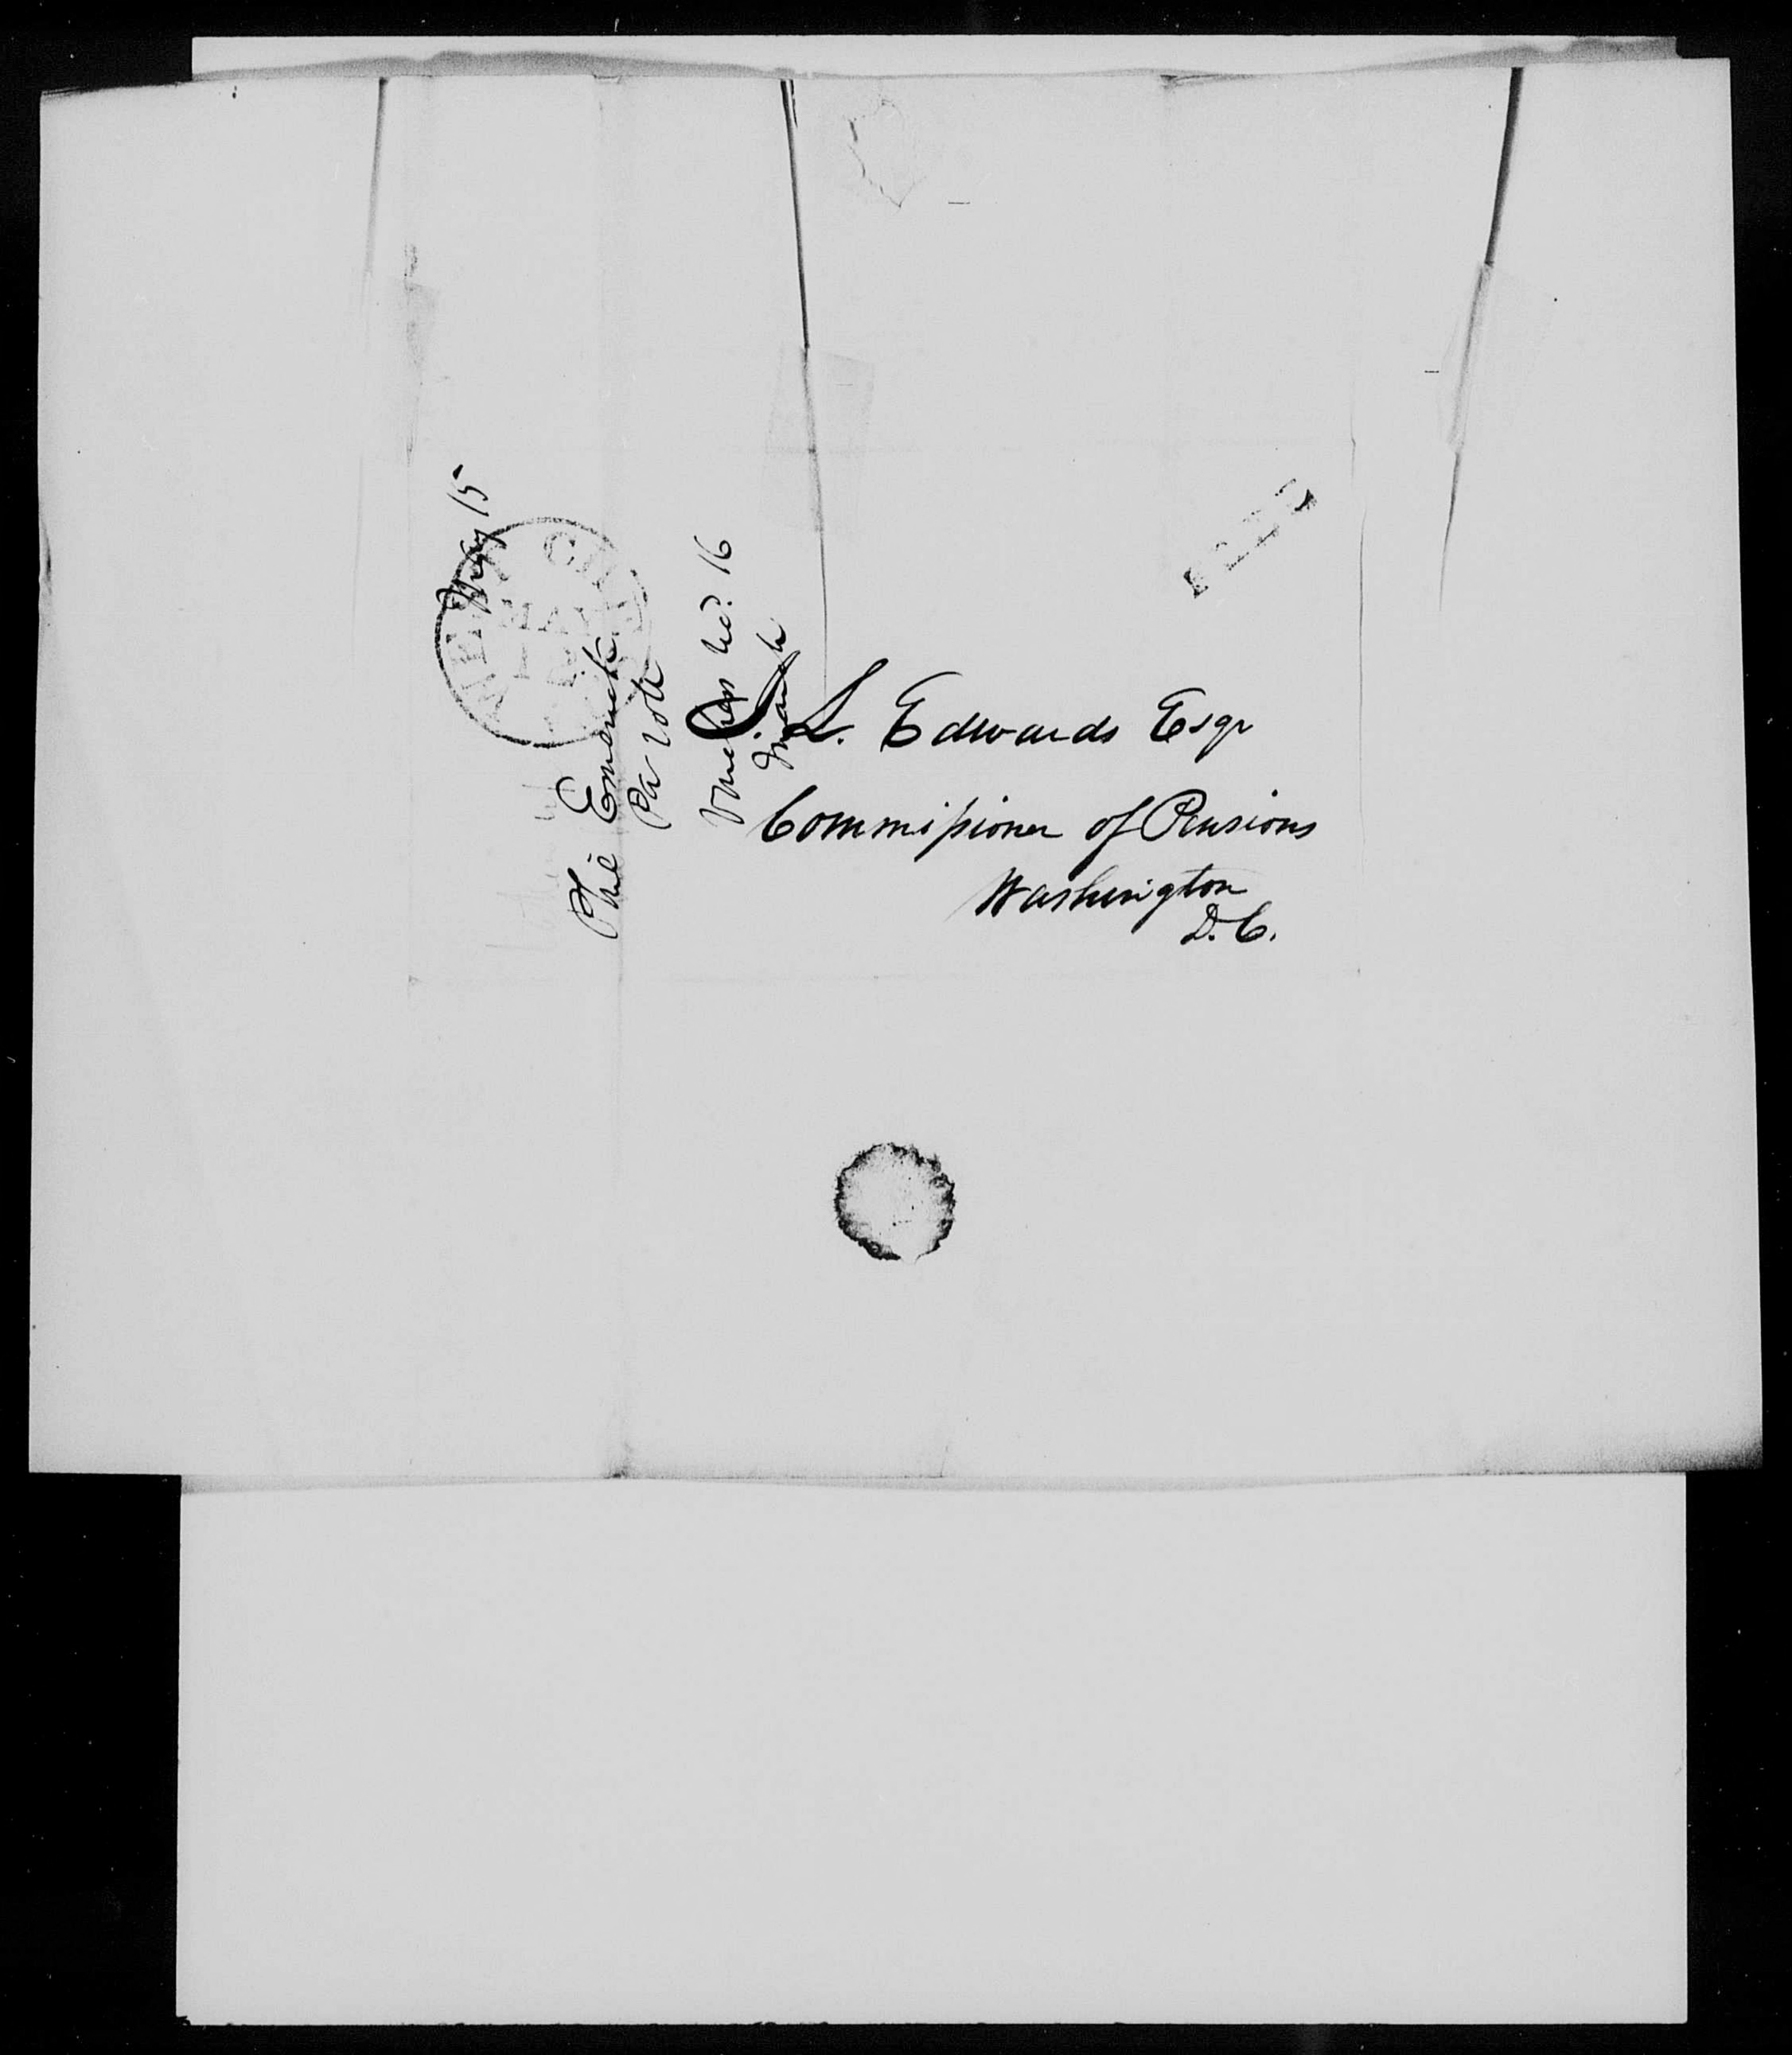J.L. Edwards Esqr
Commissioner of Pensions
Washington D.C. 

[begin vertical text]
July 15
Phil Emerick
Pa  roll
[illegible]
[end vertical text]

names: J L Edwards, Phil Emerick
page: 24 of 29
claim: survivor's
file: S. 23618, Philip Emerick, Penn.